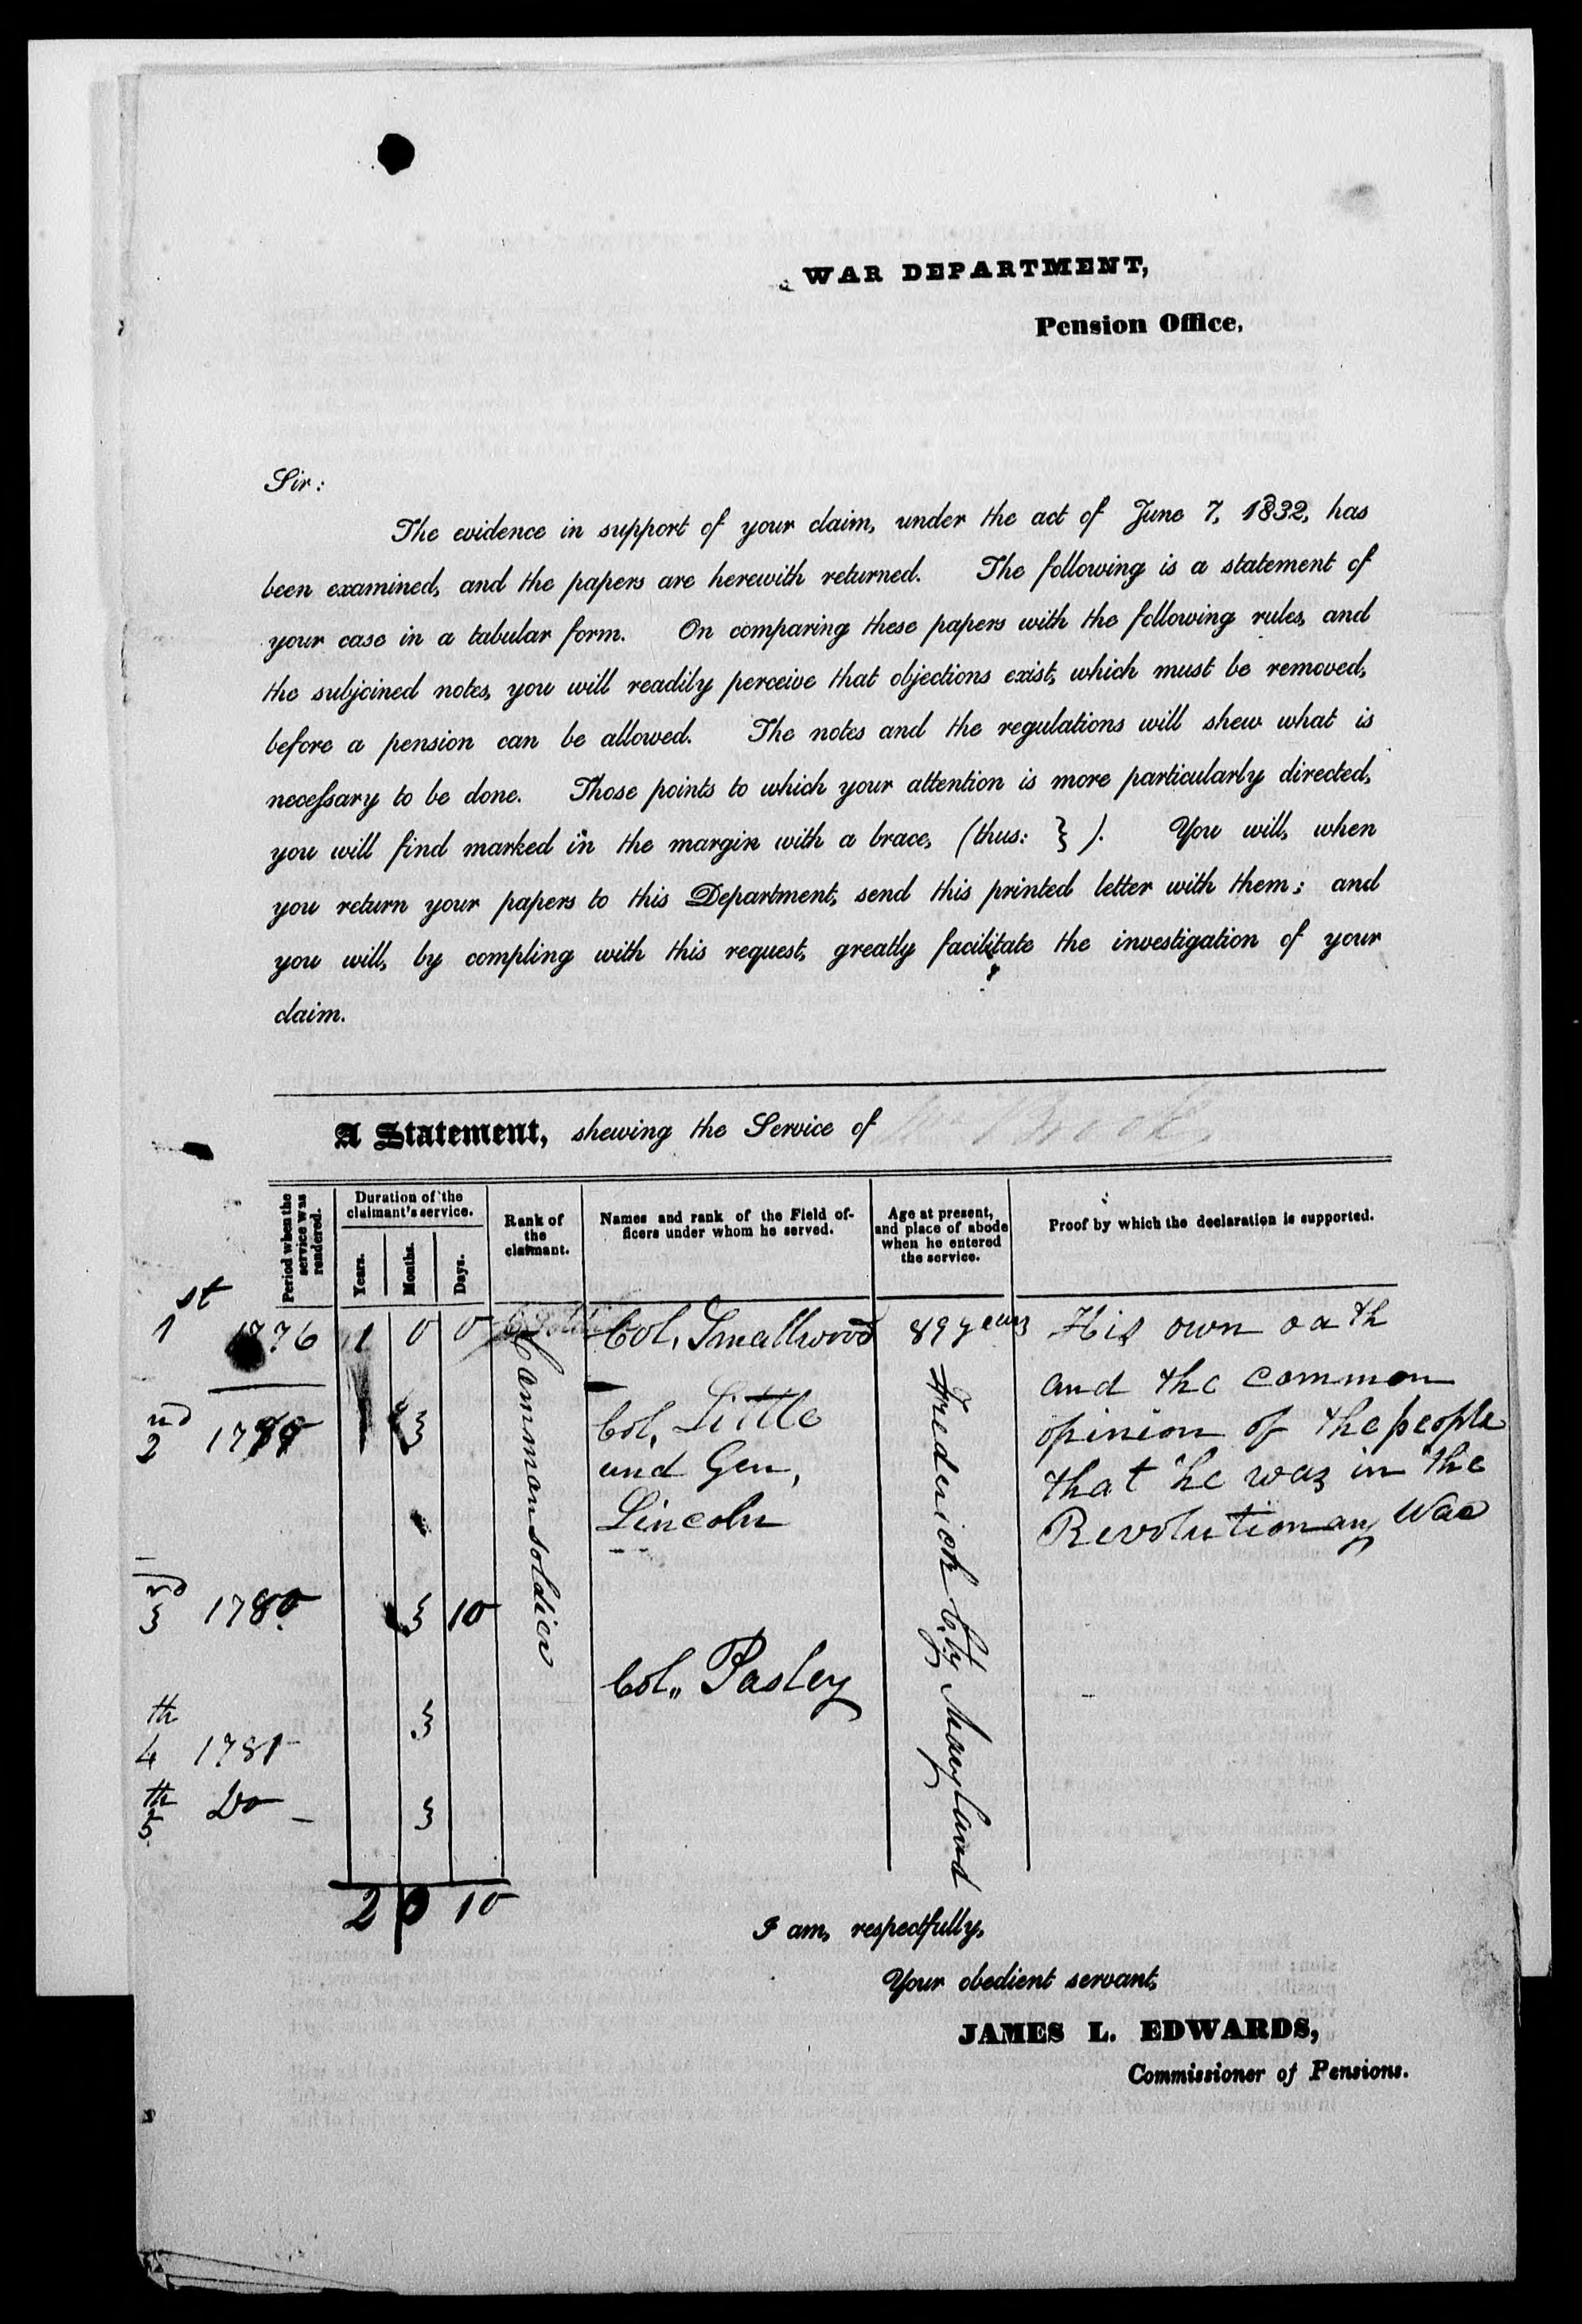WAR DEPARTMENT,
                 PENSION OFFICE,

Sir:  The evidence in support of your claim, under the act of June 7, 1832, is a statement of your case in tabular form.    On comparing those papers with the following rules and the subjected notes, you will readily perceive that objections exist, which must be removed before a pension can be allowed. The notes and regulations will show what is necessary to be done. Those points to which your attention is more particularly directed, you will find marked in the margin with a brace, (thus: }). You will, when you return your papers to this Department, send this printed letter with them; and you will, by compling with this request, greatly facilitate the investigation of your claim.

A STATEMENT, showing the Service of W. Brooks. 

Period when the service rendered:
1776
-------
1777

Years: 1
Months: 0
Days: 0

Rank of the claimant:  

Names  and rank of the Field of Scers under whom he served:
Col, Smallwood
Col, Little
and Gen, Lincoln

Age at present, and place of abode when he entered the service
89 years
Frederick County, Maryland

Proof by which the declaration is supported.
His own oath and the common pension of the people that he was in the Revolutionary War

I am, respectfully,
Your obedient servant,
JAMES L. EDWARDS
Commissioner of Pensions.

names: Small Wood, Wm Brooks, James L Edwards, Lincoln, Little, Pasley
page: 7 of 17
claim: survivor's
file: S. 6717, William Brooks, Md. N.C.